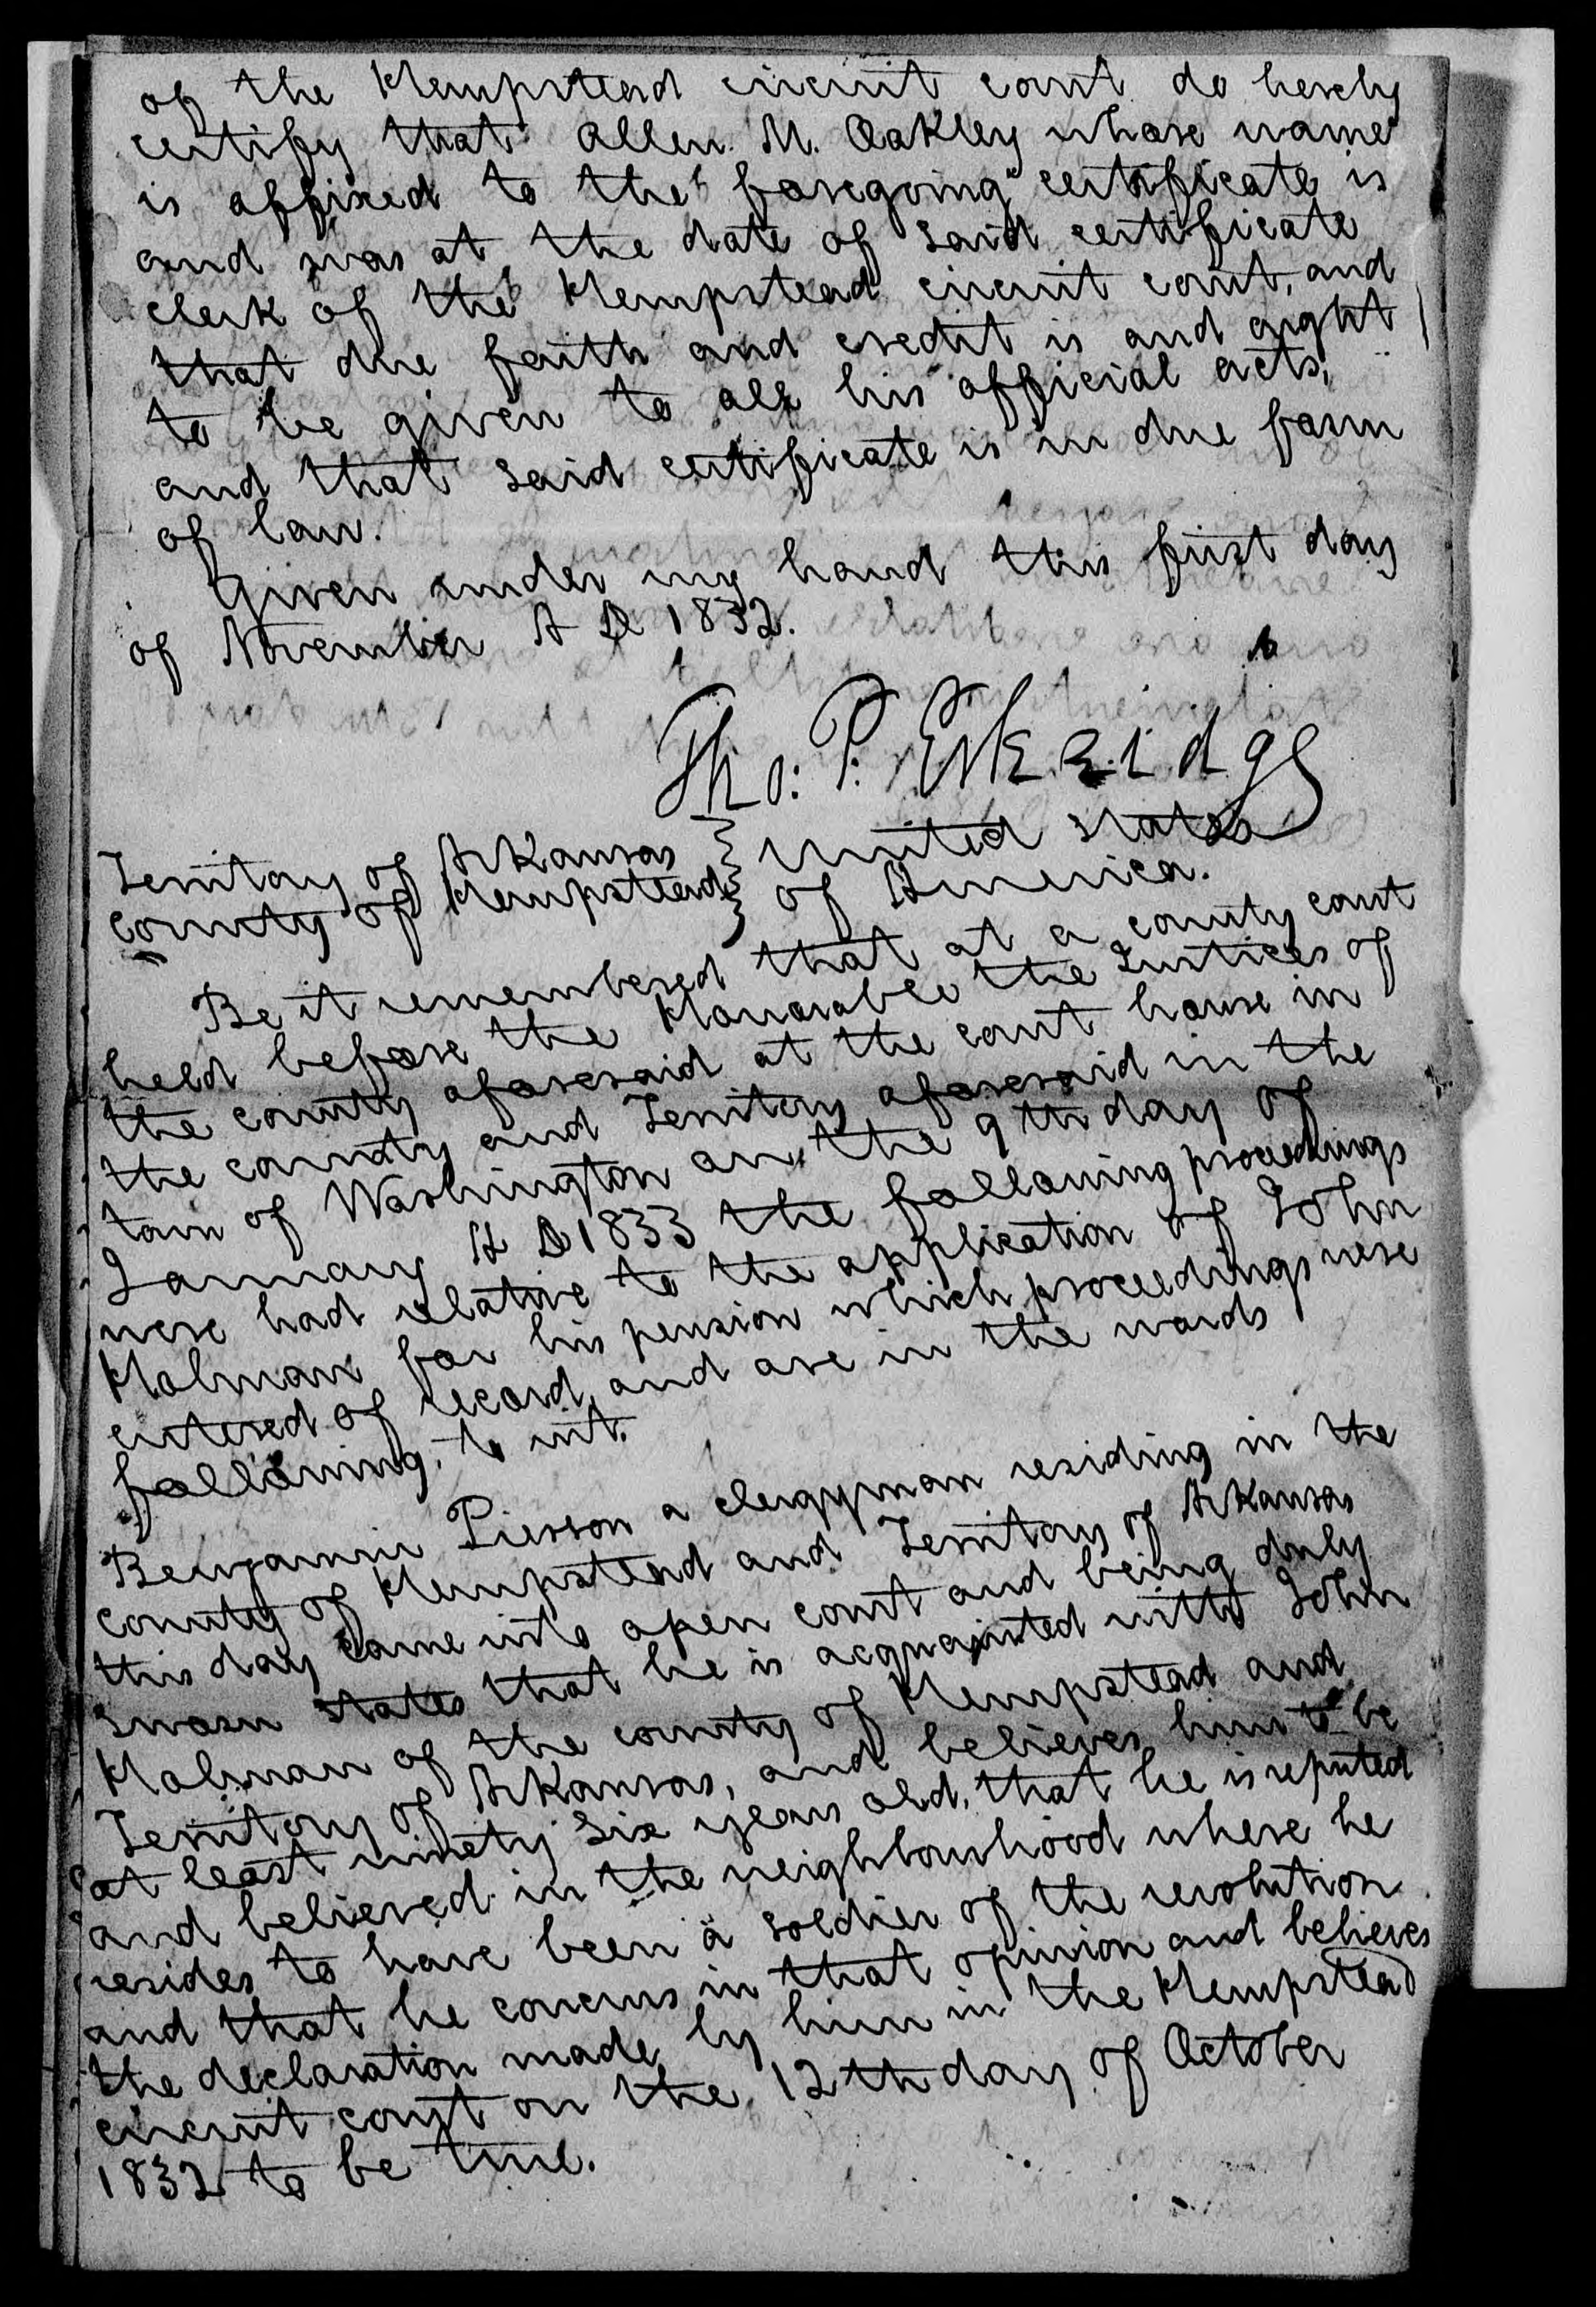of the Hempstead circuit court do hereby
certify that Allen M. Oakley whose name
is affixed to the foregoing certificate is
and was at the dates said certificate
clerk of the Hempstead circuit court, and
that the faith and credit is and right 
to the given to all his official acts, 
and that said certificate is in one form of law.
Given under my hand this first day
of November A D 1832.
Tho: P: Eskridge

Territory of Arkansas 
County of Hempstead
United States of America
Be it remembered that at a county court
held before the Honorables  the justices of 
the county and Territory aforesaid in the
town of Washington on  the 9th day of
January A D 1833 the following proceedings
were had relative to the application of John Holman
for his pension which proceedings were 
entered of record and are in  the words
following to wit
Benjamin Pierson a clergyman residing in the
county of Hempstead and Territory of Arkansas,
this day came into open court and  being duly sworn
states that he is acquainted with John Holman
of the county of Hempstead and Territory of Arkansas
and believes him to be
at least ninety six years old, that he is reputed
and believed in the neighborhood where he
resides to have been a soldier of the revolution
and that he concurs in that opinion and believes
the declaration made by him in the Hempstead
circuit court on the 12th day of October 
1832 to be true.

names: John Halman, John Halman, Tho P Eskridge, Benjamin Pierson, Allen M Oakley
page: 11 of 30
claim: survivor's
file: S. 31753, John Holman, Va.